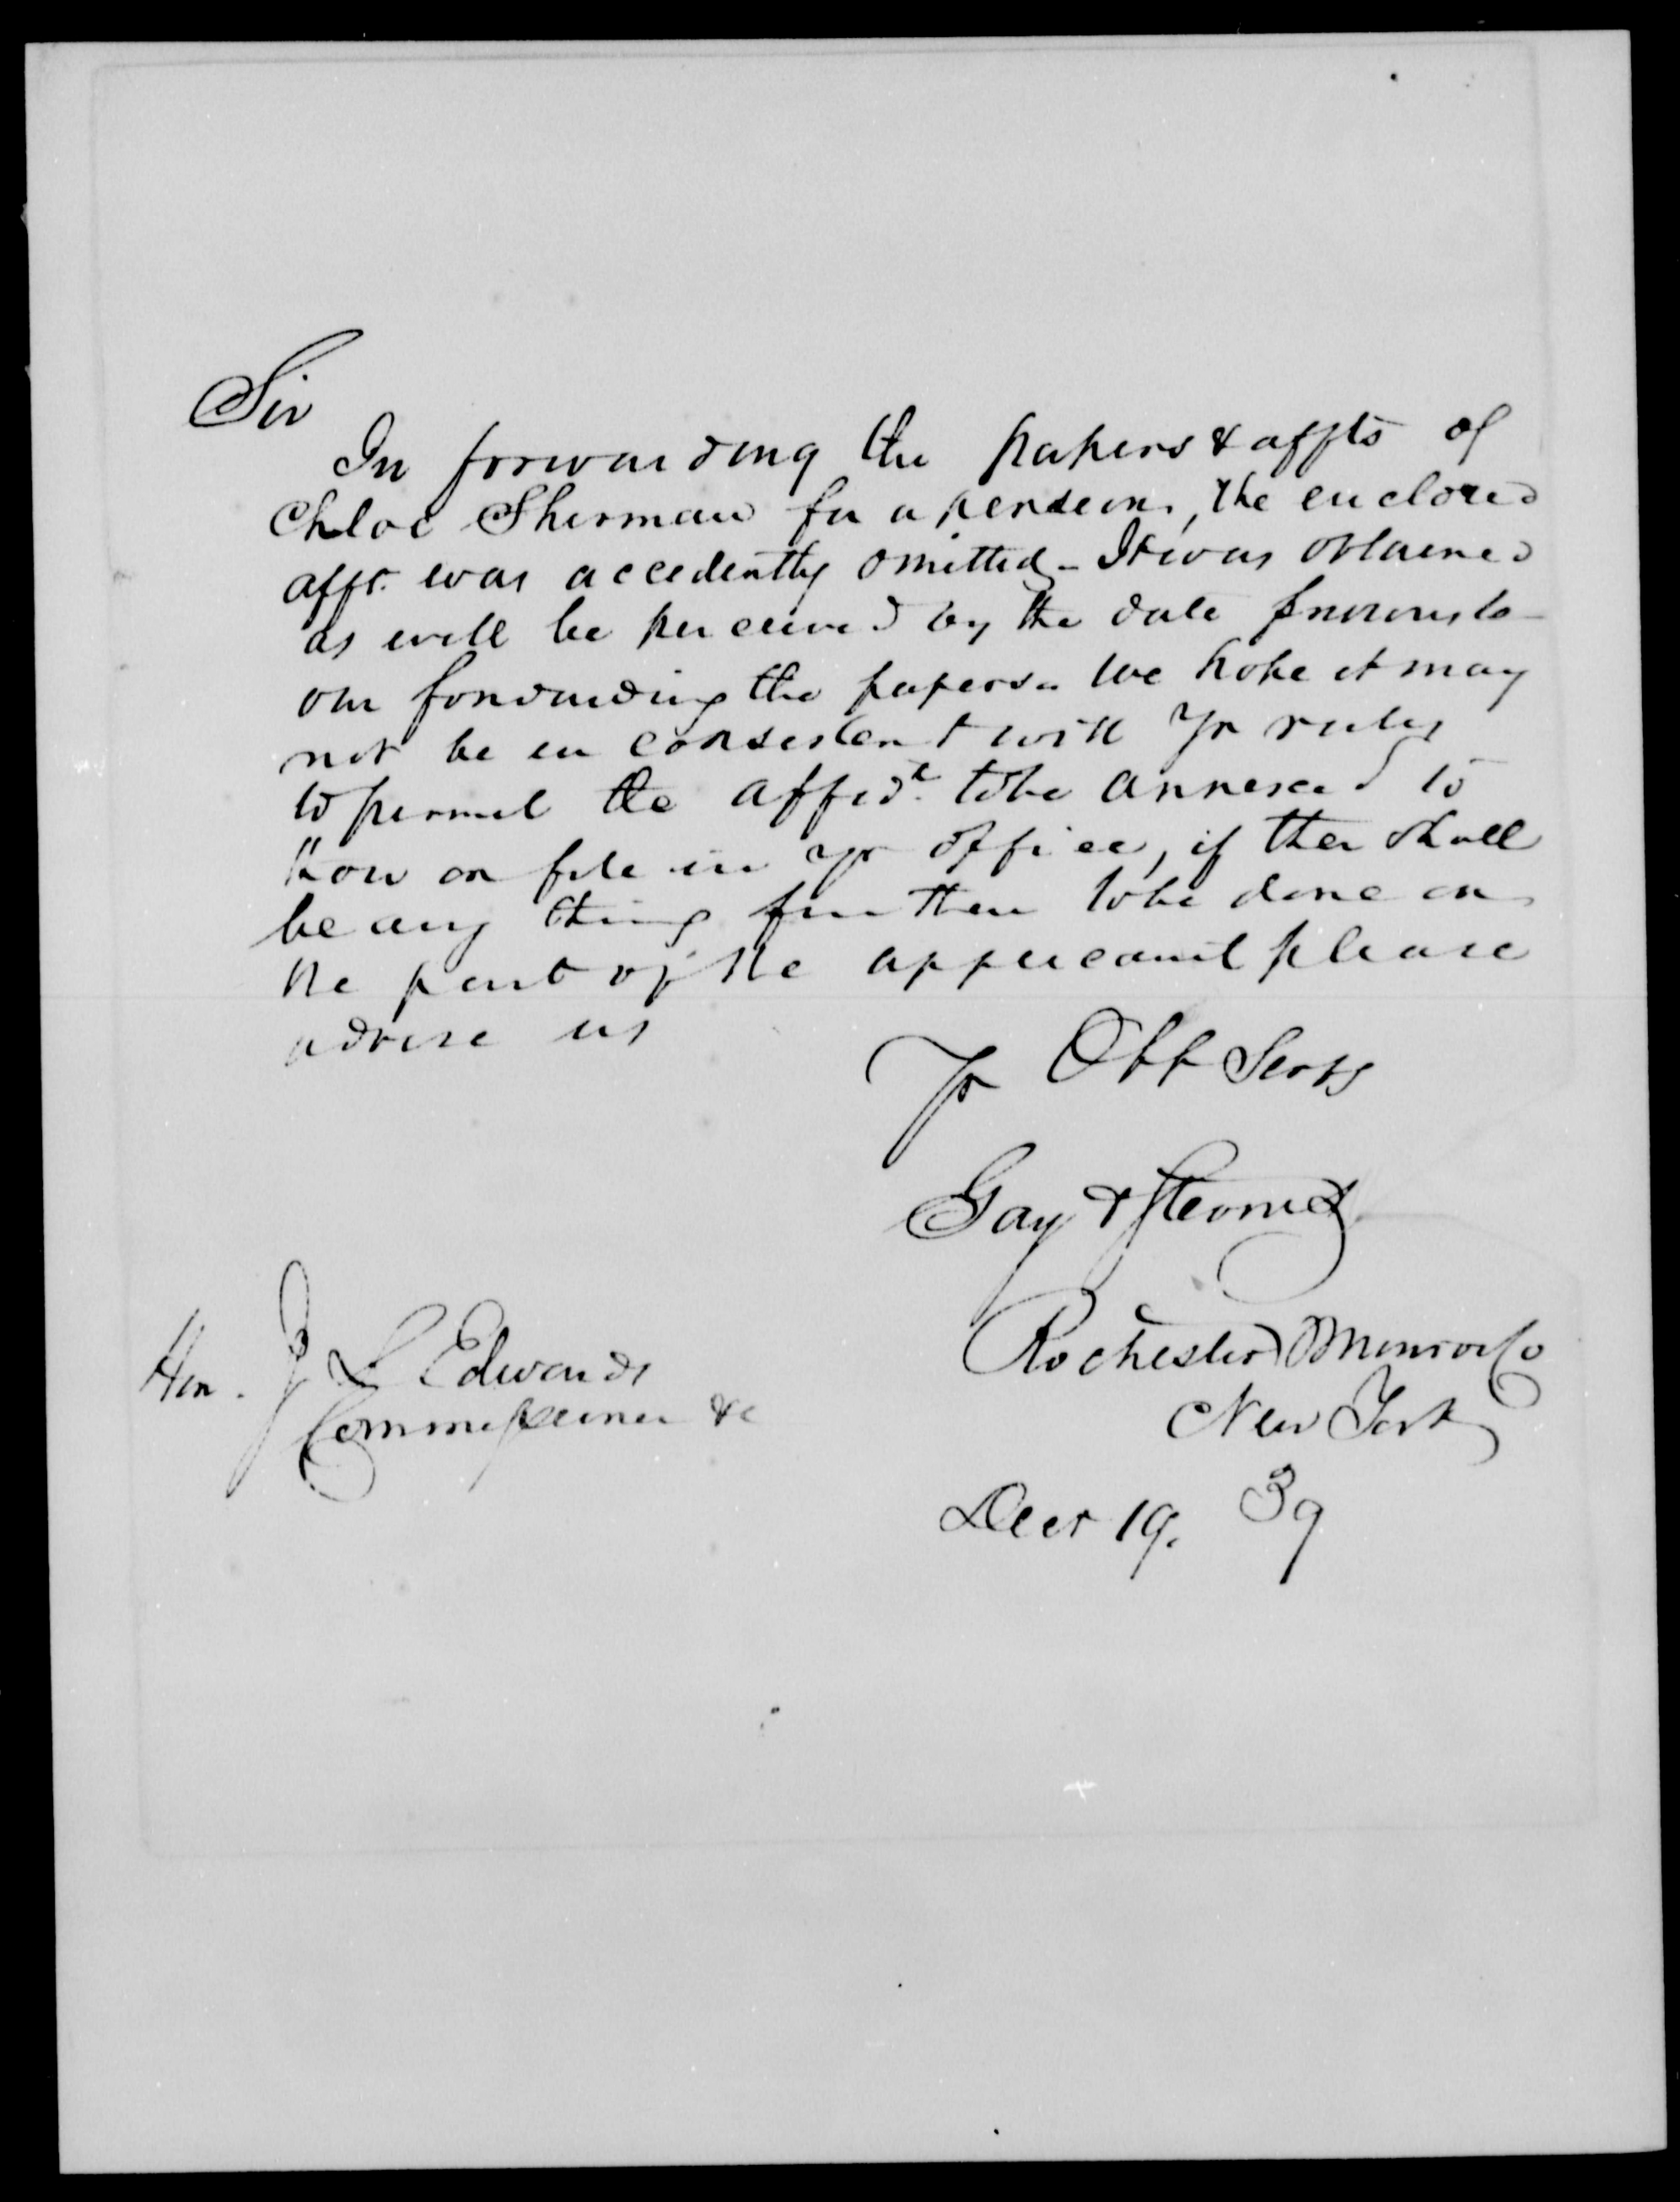Sir
In forwarding the papers & affts of Chloe Sherman for a pension, the enclosed afft. was accidently omitted. It was obtained as will be perceived by the date previously to our forwarding the papers. We hope it may not be in consistent & will yr rules to permit the affidt to be annexed 15 now on file in yr office, if then shall be any thing further to be done on the part of the applicant please advise me
Yr Obt Serv
Gay & Stevens\Rochester Monroe Co 
New York
Dec 19, 39
Hon J. L. Edwards
Comm of Pensions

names: Chloe Sherman; J L Edwards; [BLANK] Stevens; [BLANK] Gay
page: 36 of 52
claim: rejected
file: R. 9493, for George Sherman, Vermont